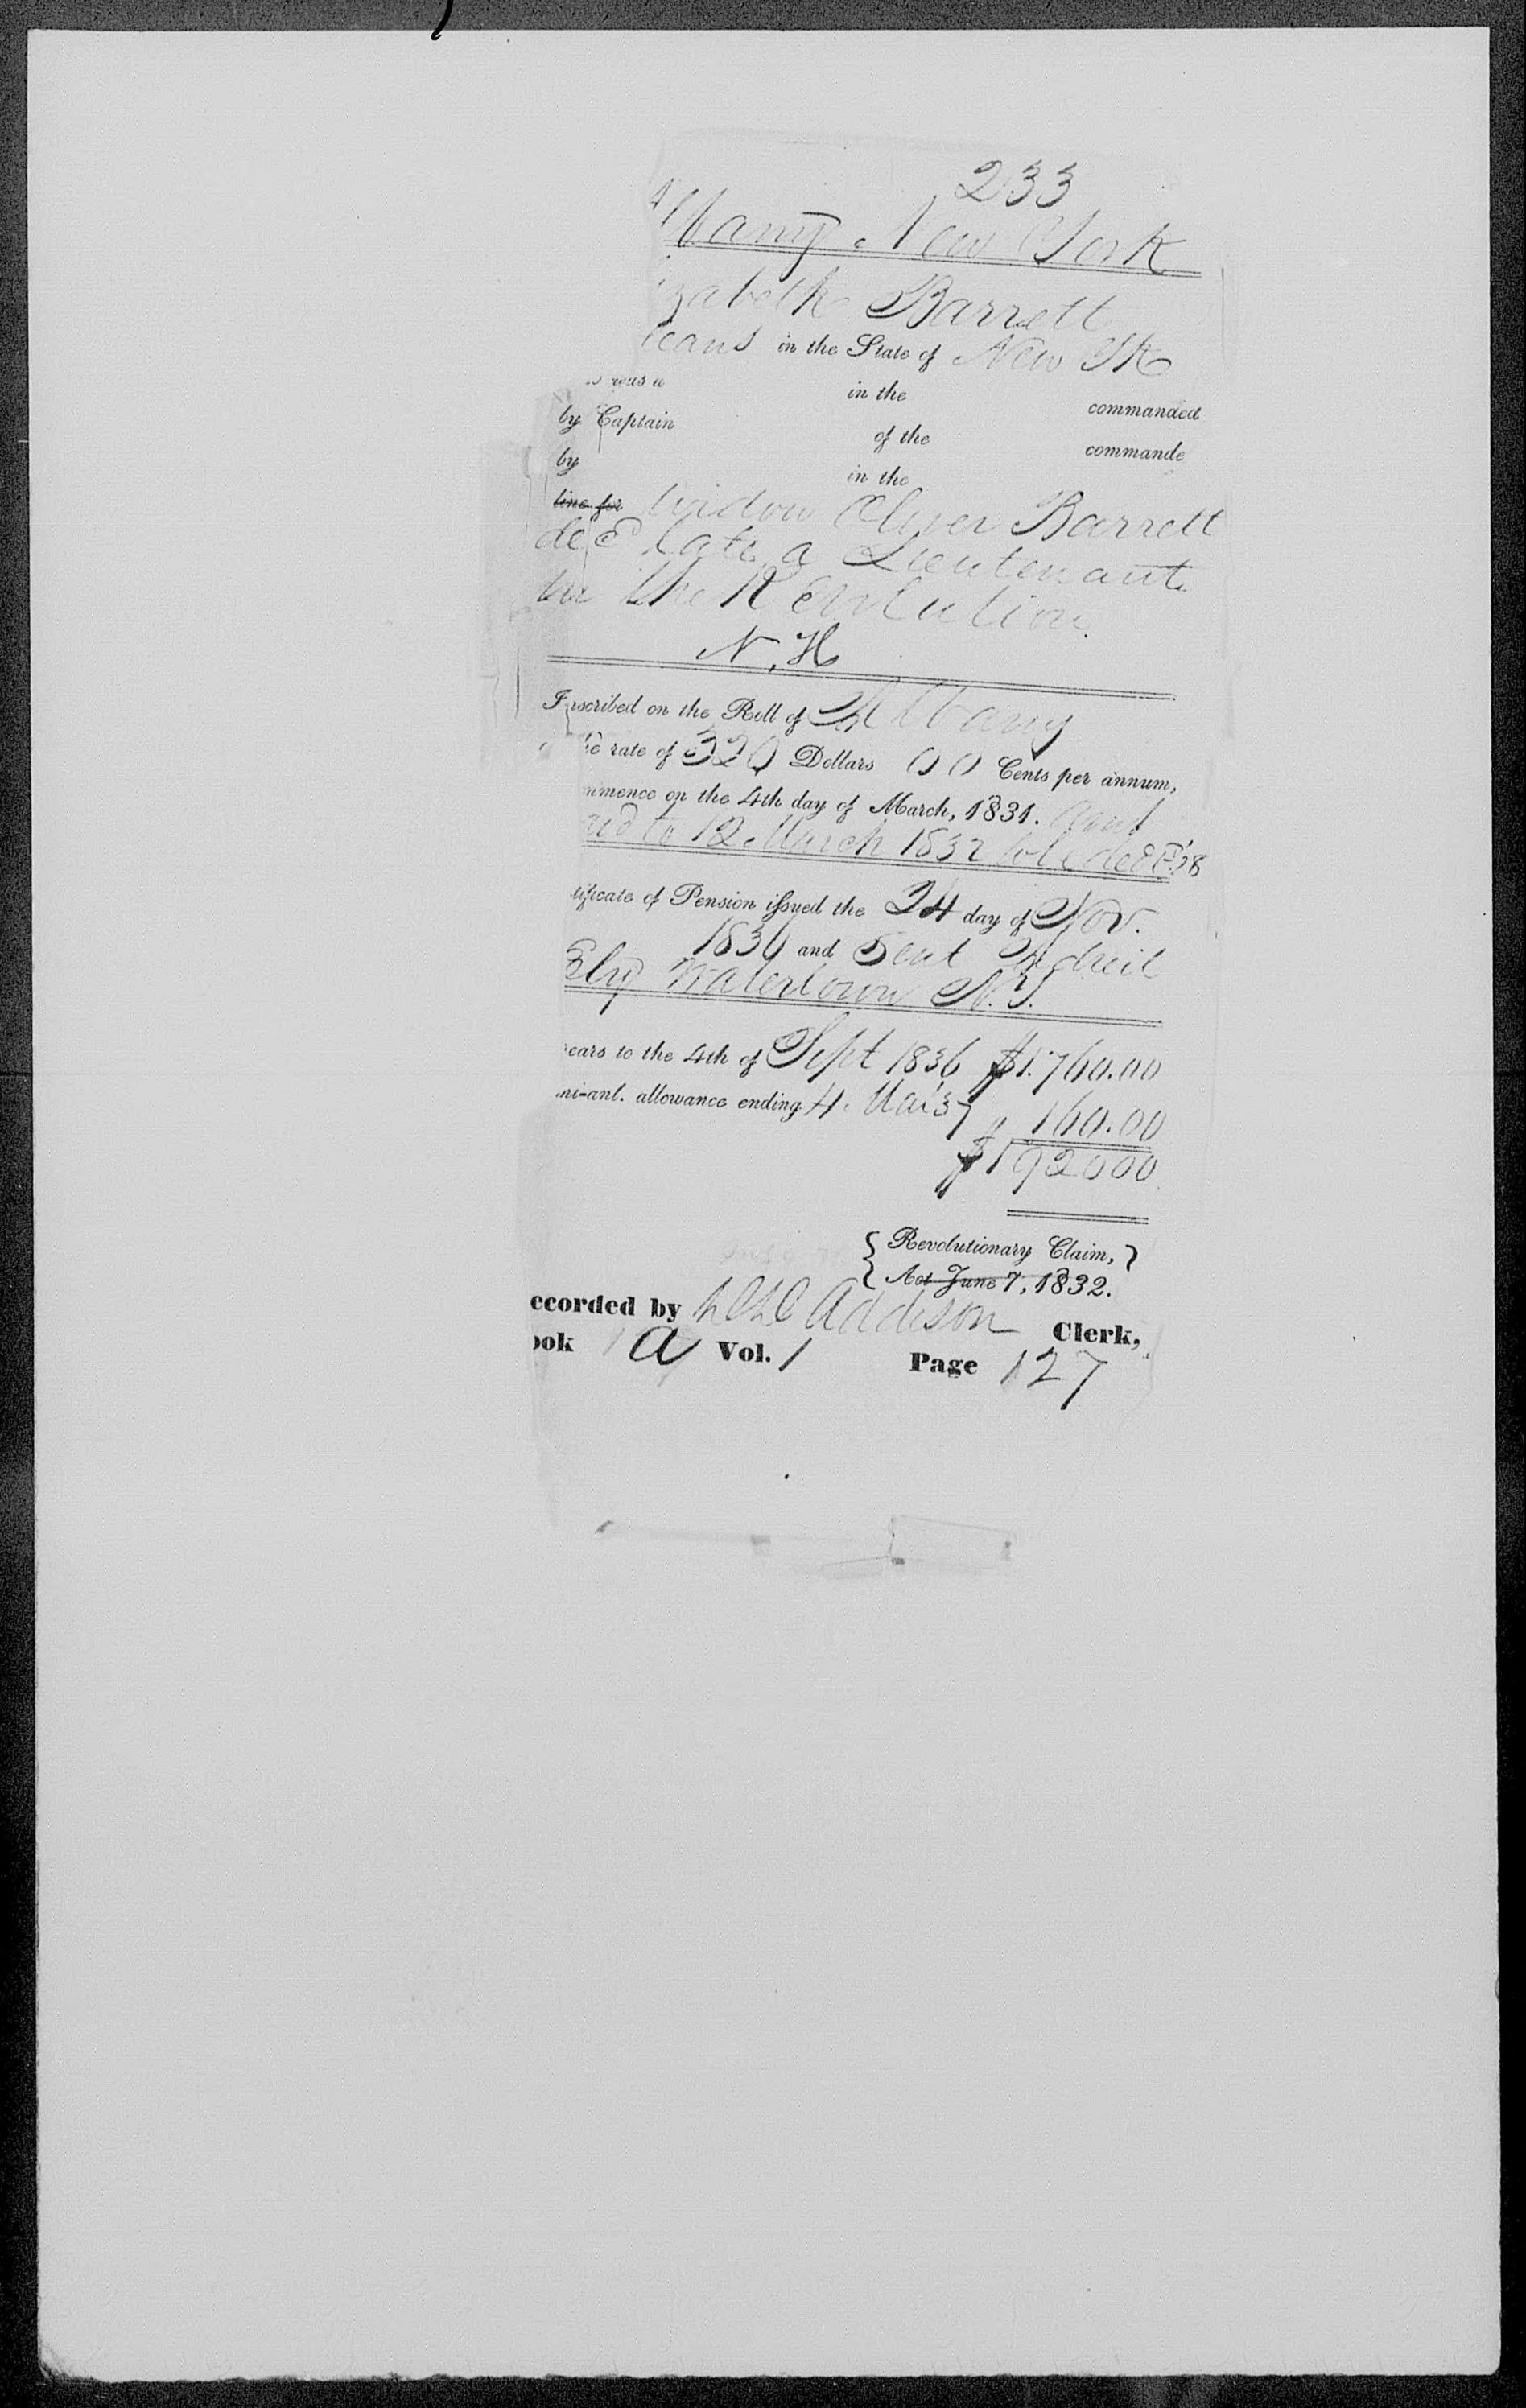233

Albany, New York
Elizabeth Barrett

leans in the State of New York
was a    in the     commanded
by Captain    of the    commanded
by     in the 
Widow Oliver Barrett dec late a Lieutenant in the Revolution 
N.H.

Inscribed on the Roll of Albany
the rate of 320 Dollars 00 Cents per annum,
to commence on the 4th day of March, 1831. and 
[illegible] to 12 March 1832 [illegible] '28 

Certificate of Pension issued the 24 day of Nov. 
1834 and sent Adriel 
Ely Watertown N.Y.

Arrears to the 4th of Sept 1836         $1760.00
Semi-anl allowance ending 4 Mar '37   160.00
                                                           $1920.00

{Revolutionary Claim
Act June 7, 1832.}

Recorded by D.D. Addison Clerk, 
Book A Vol. 1 Page 127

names: D D Addison, Oliver Barrett, Adriel Ely, Elizabeth Barrett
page: 7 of 83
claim: widow's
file: W. 10,384, Oliver Barrett, Continental (Vt.) N.Y.